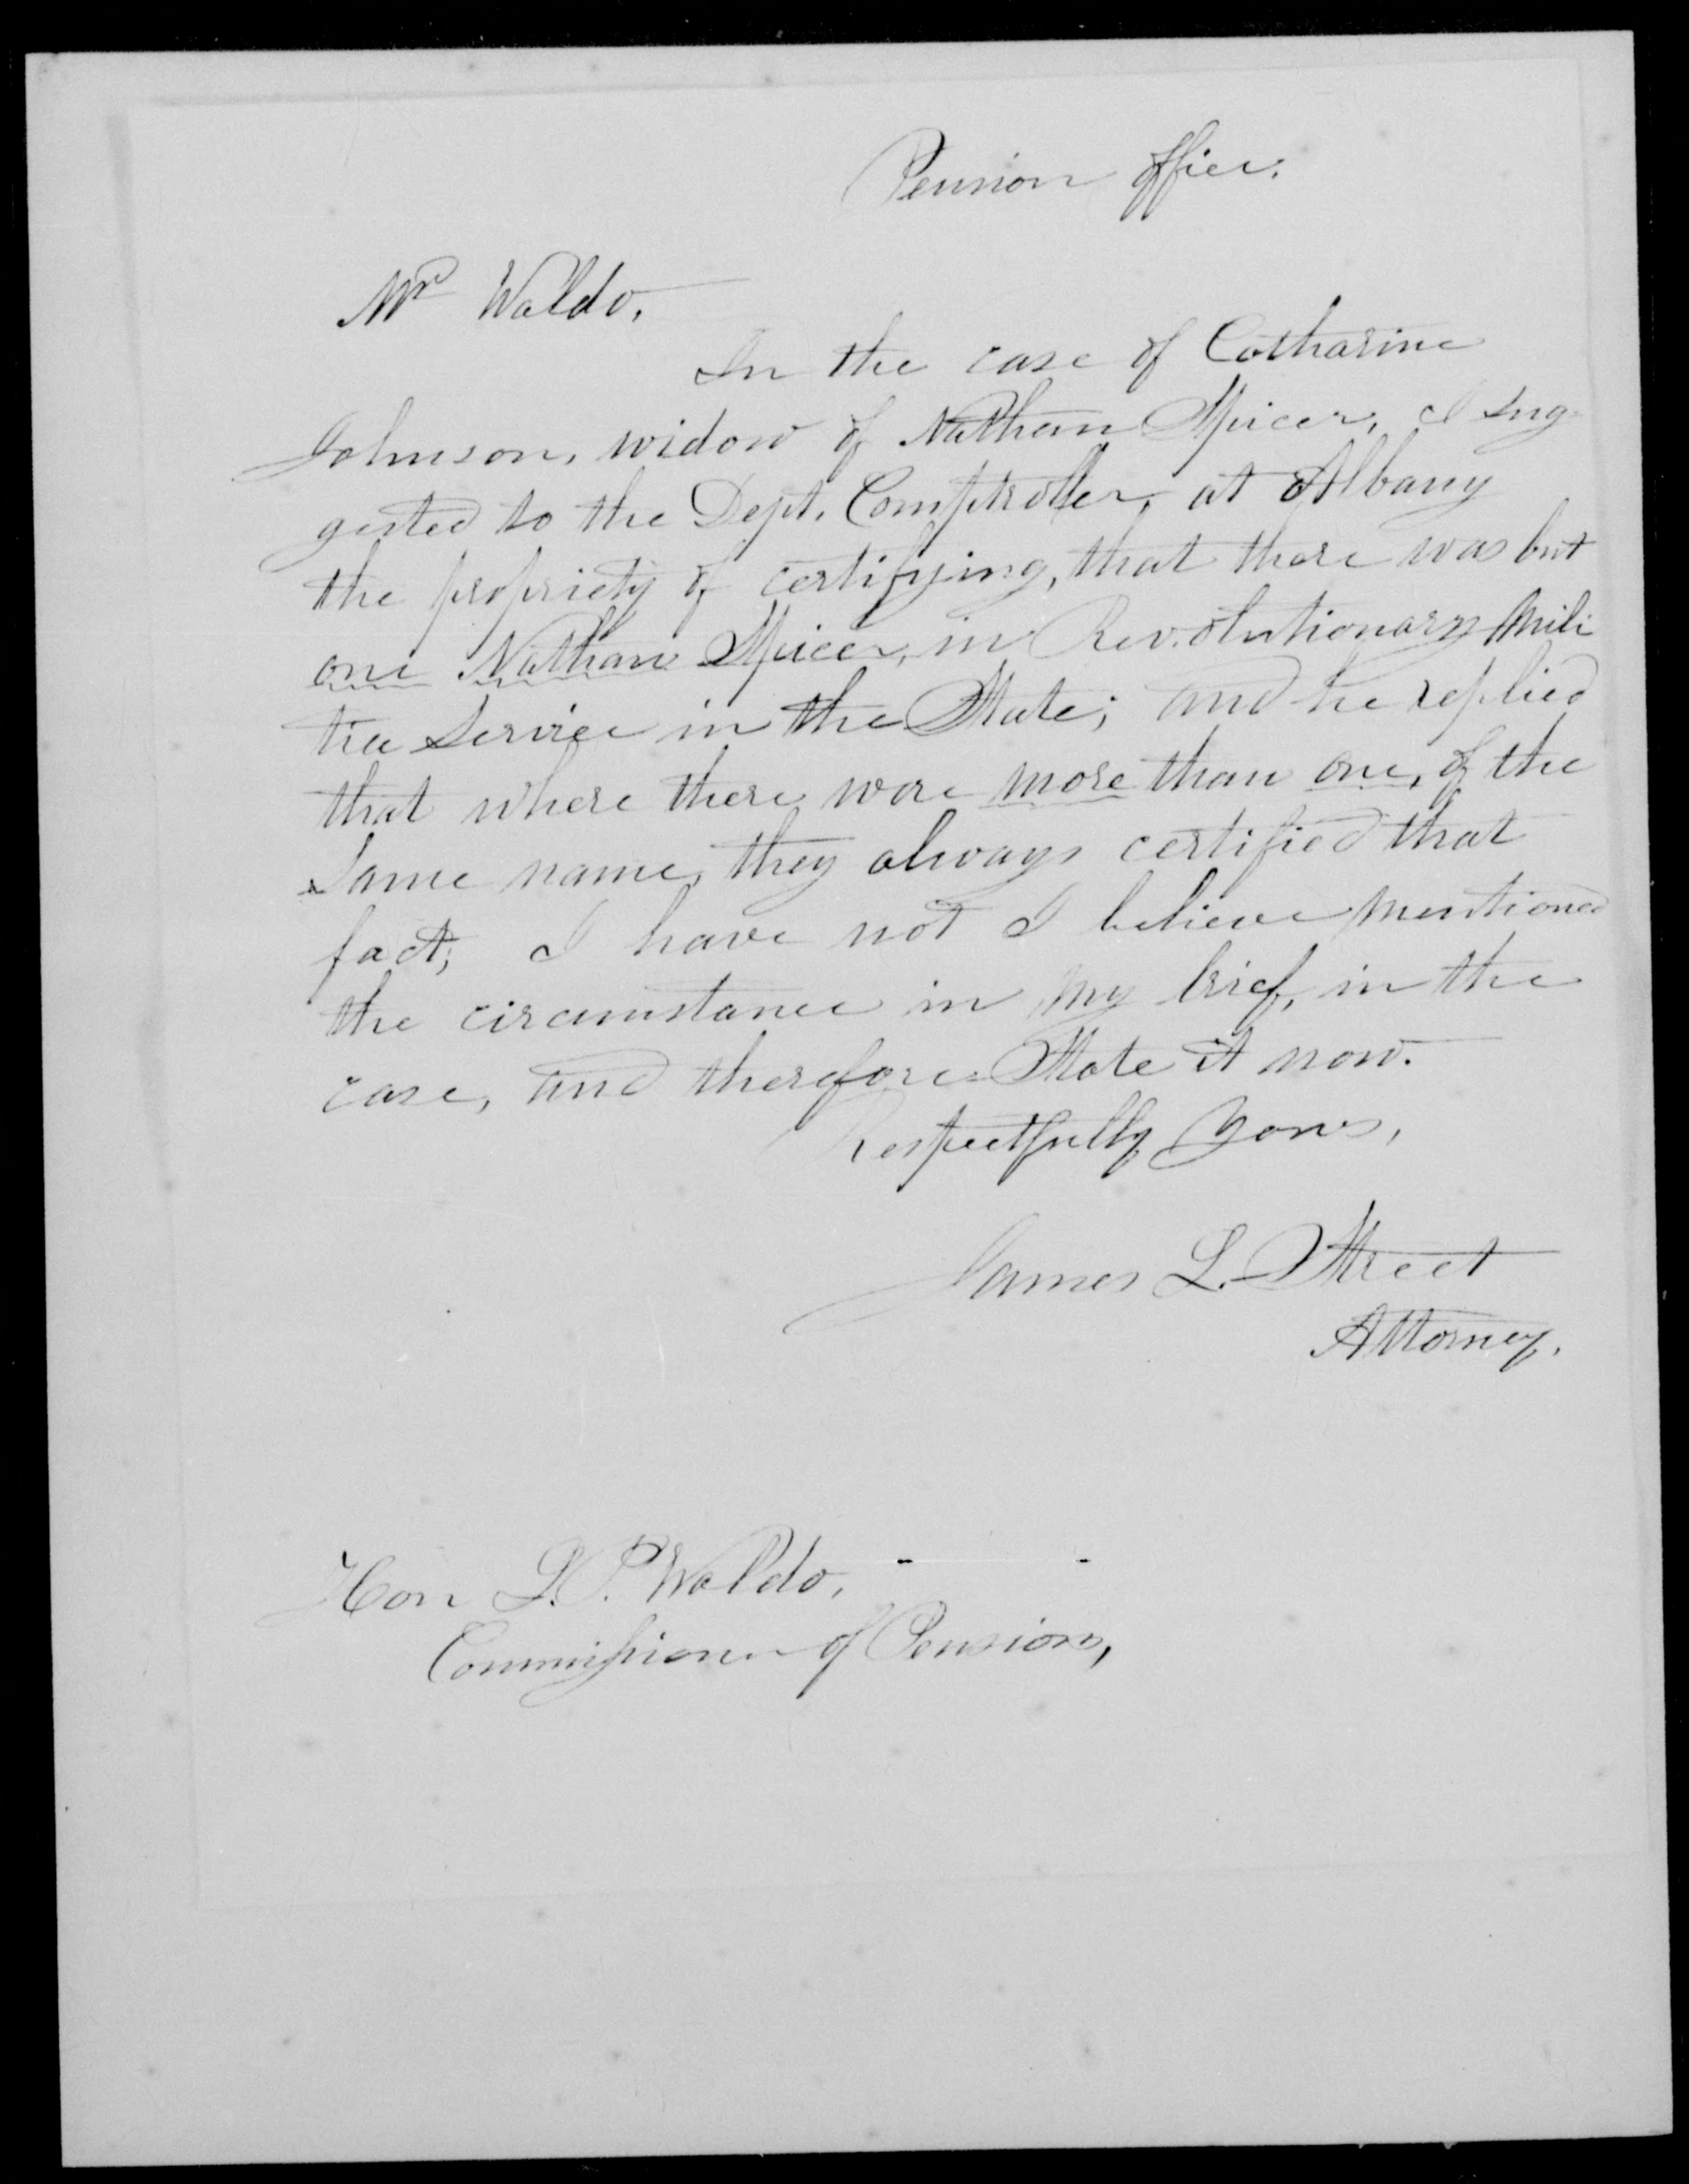Pension office.

Mr Waldo,
In the case of Catherine Johnson, widow of Nathan Spicer, I suggested to the Dept. Comptroller, at Albany the propriety of certifying, that there was but one Nathan Spicer, in Revolutionary Militia Service in the State; and he replied that where there were more than one, of the same name, they always certified that fact; I have not I believe mentioned the circumstance in my brief, in the case, and therefore state it now.
Respectfully Yours,
James L. Street
Attorney.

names: Nathan Spicer; [BLANK] Waldo; Nathan Spicer; James L Street; Catharine Johnson; L P Waldo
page: 33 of 33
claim: rejected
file: R. 5603, for Nathan Spicer, New York